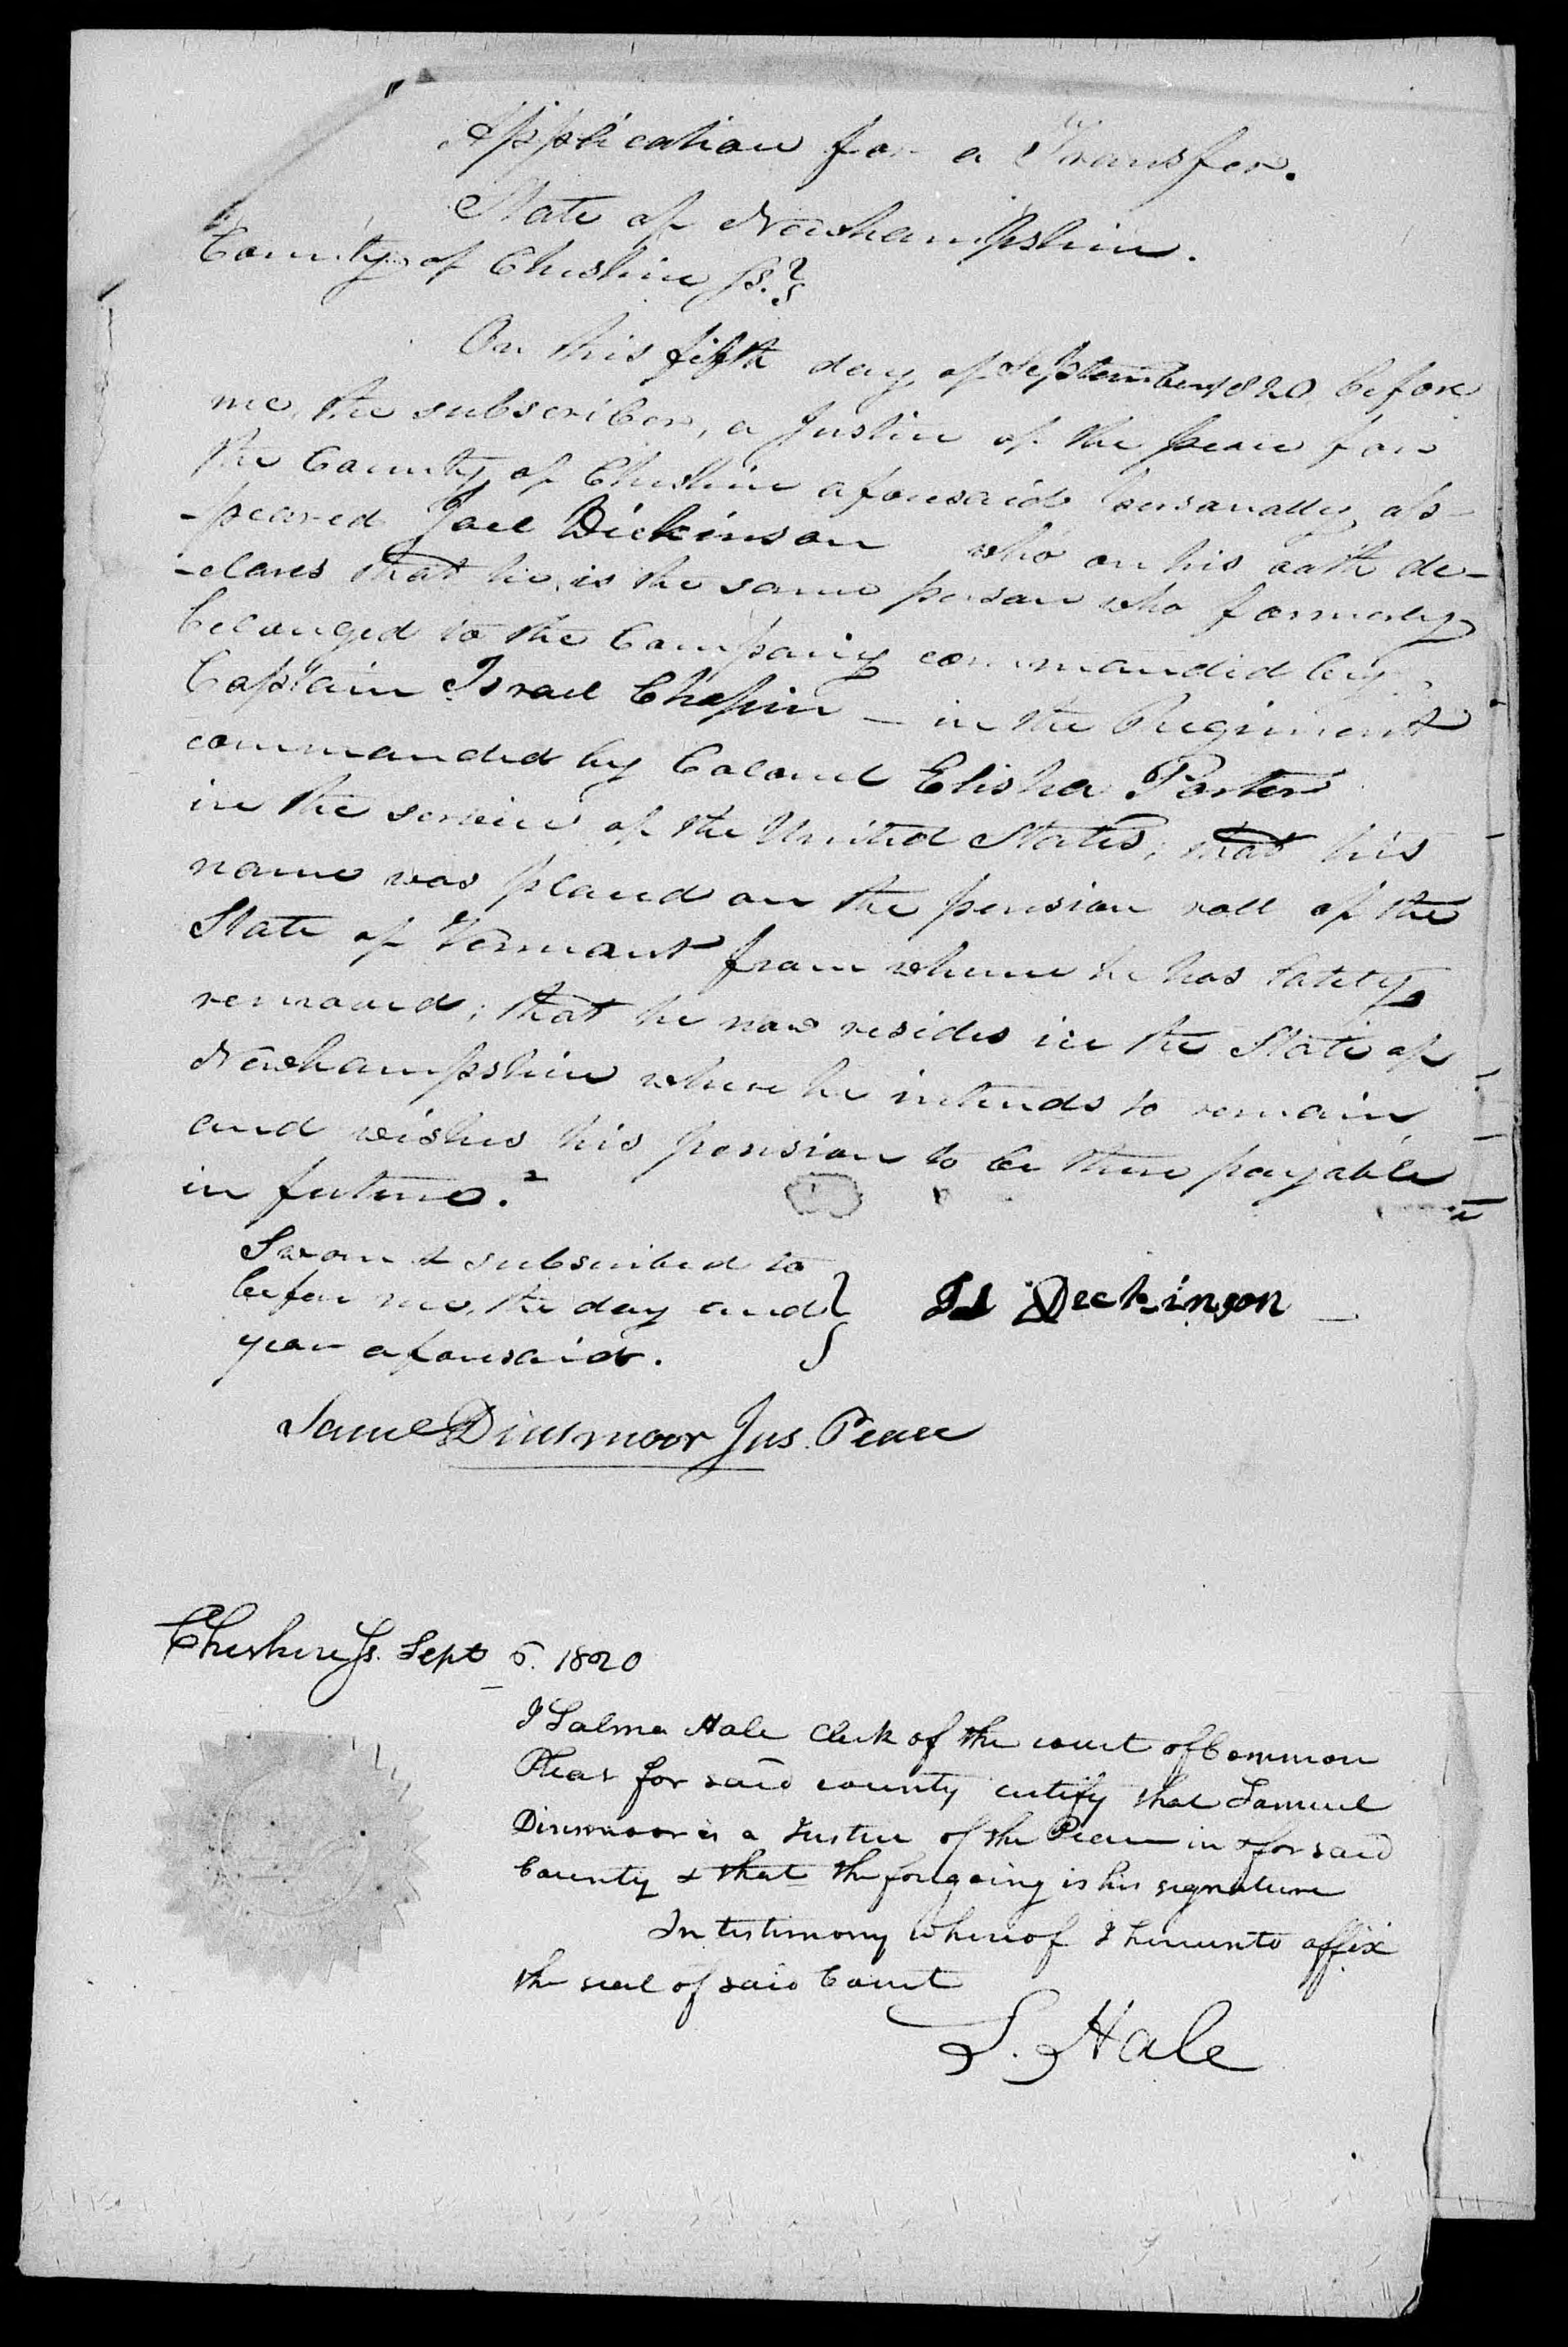Application for a Transfer
State of New hampshire
County of Cheshire Ss.
On this fifth day of September before
me the subscriber, a Justice of the peace for
the County of Cheshire aforesaid personally appeared Joel Dickinson
who on his oath declares
that he is the same person who formerly
belonged to the company commanded by
Captain Israel Chapin
in the Regiment
commanded by Colonel Elisha Porter
in the service of the United States at his
name was placed on the pension roll of the
State of Vermont from whence he has lately
removed; that he now resides in the State of
New hampshire where he intends to remain
and wishes his pension to be there payable
in future.
Joel Dickinson
---
Sworn and subscribed to
before me the day and
year aforesaid
Samuel  Dinsmoor Justice of the Peace

Cheshire ss September 5. 1820
I Salma Hale Clerk of the Court of Common
has for said County certify that Samuel
Dinsmoor is a Justice of the Peace in and for said
County and that the foregoing is his signature
In testimony whereof I hereunto affix
the seal of said Court
S. Hale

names: Elisha Porter, Jas Deckinson, Saml Dinsmoor, S Hale, Israel Chapin, Joel Dickinson, Salma Hale, Samuel Dinsmoor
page: 20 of 31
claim: widow's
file: W. 22946, Joel Dickinson, Mass.